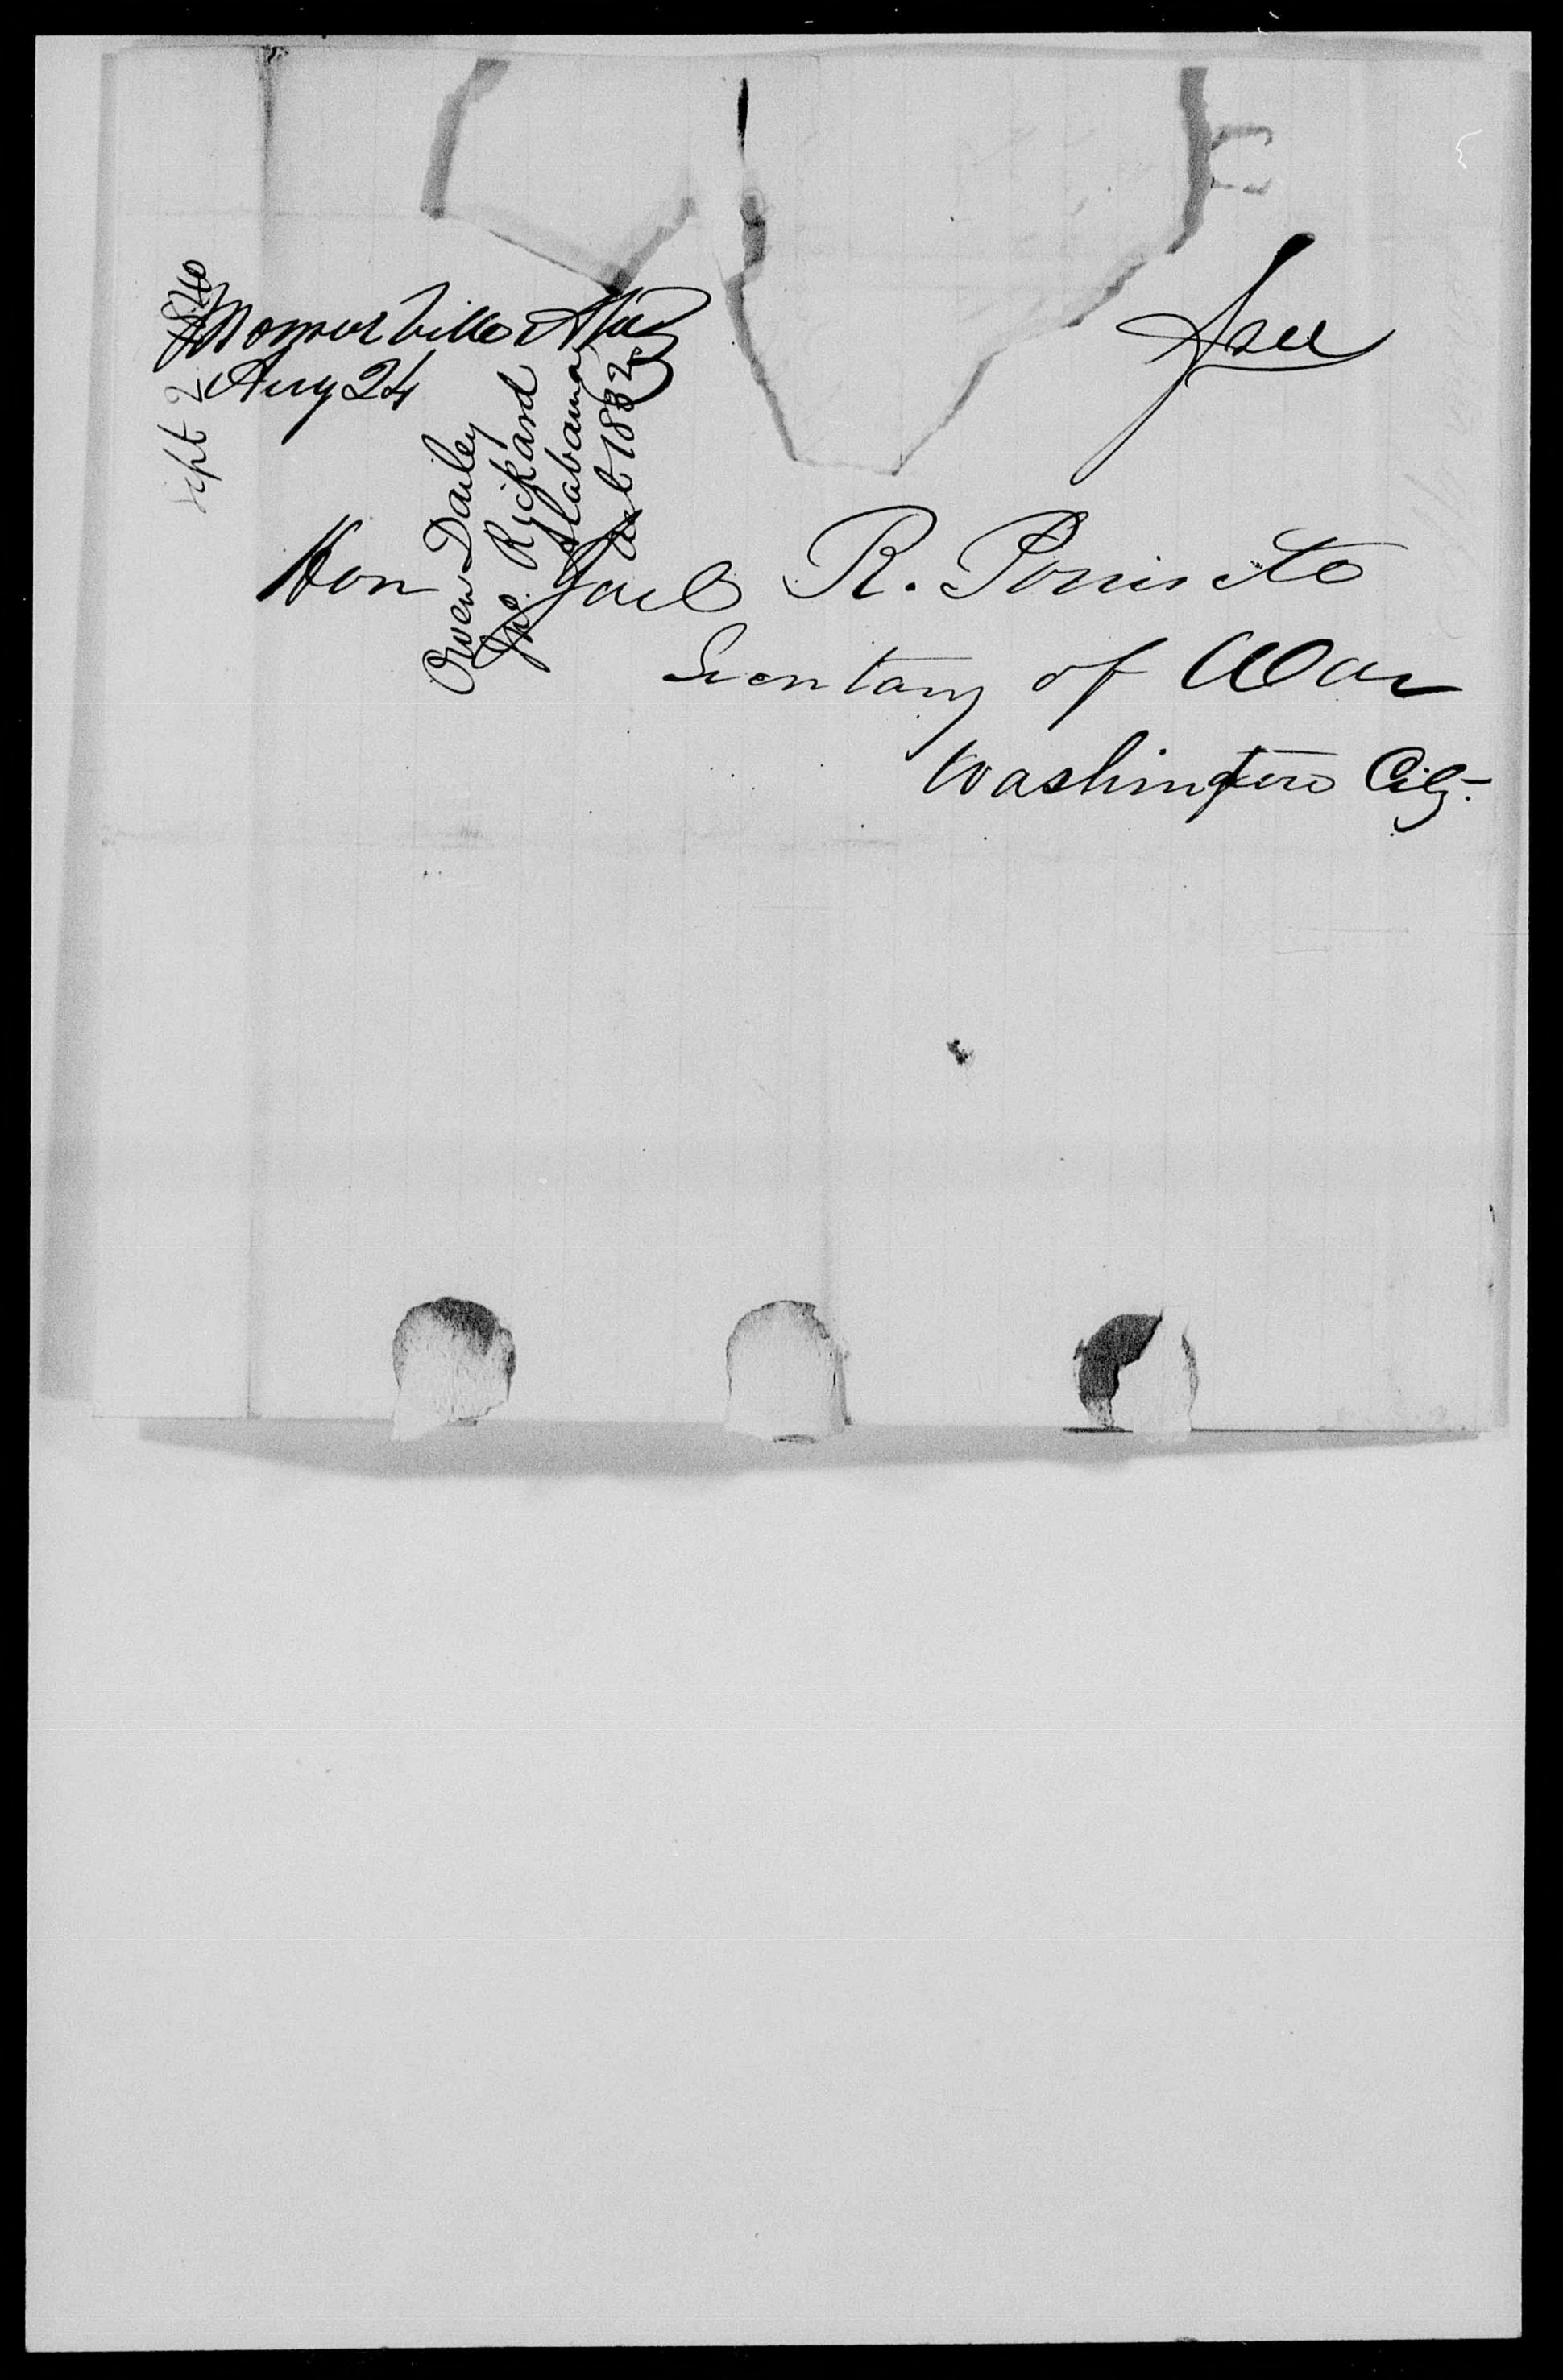Free
Monroeville}
Aug  24.      }

Hon Joel R. Poinsete
Sectary of War
Washington City -

Sept 2 1840

Owen Dailey
Jno Rickand 
Alabama
Act 1832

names: Joel R Poinsete, Owen Dailey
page: 10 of 13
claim: rejected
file: R. 2,622, Owen Dailey, S.C.